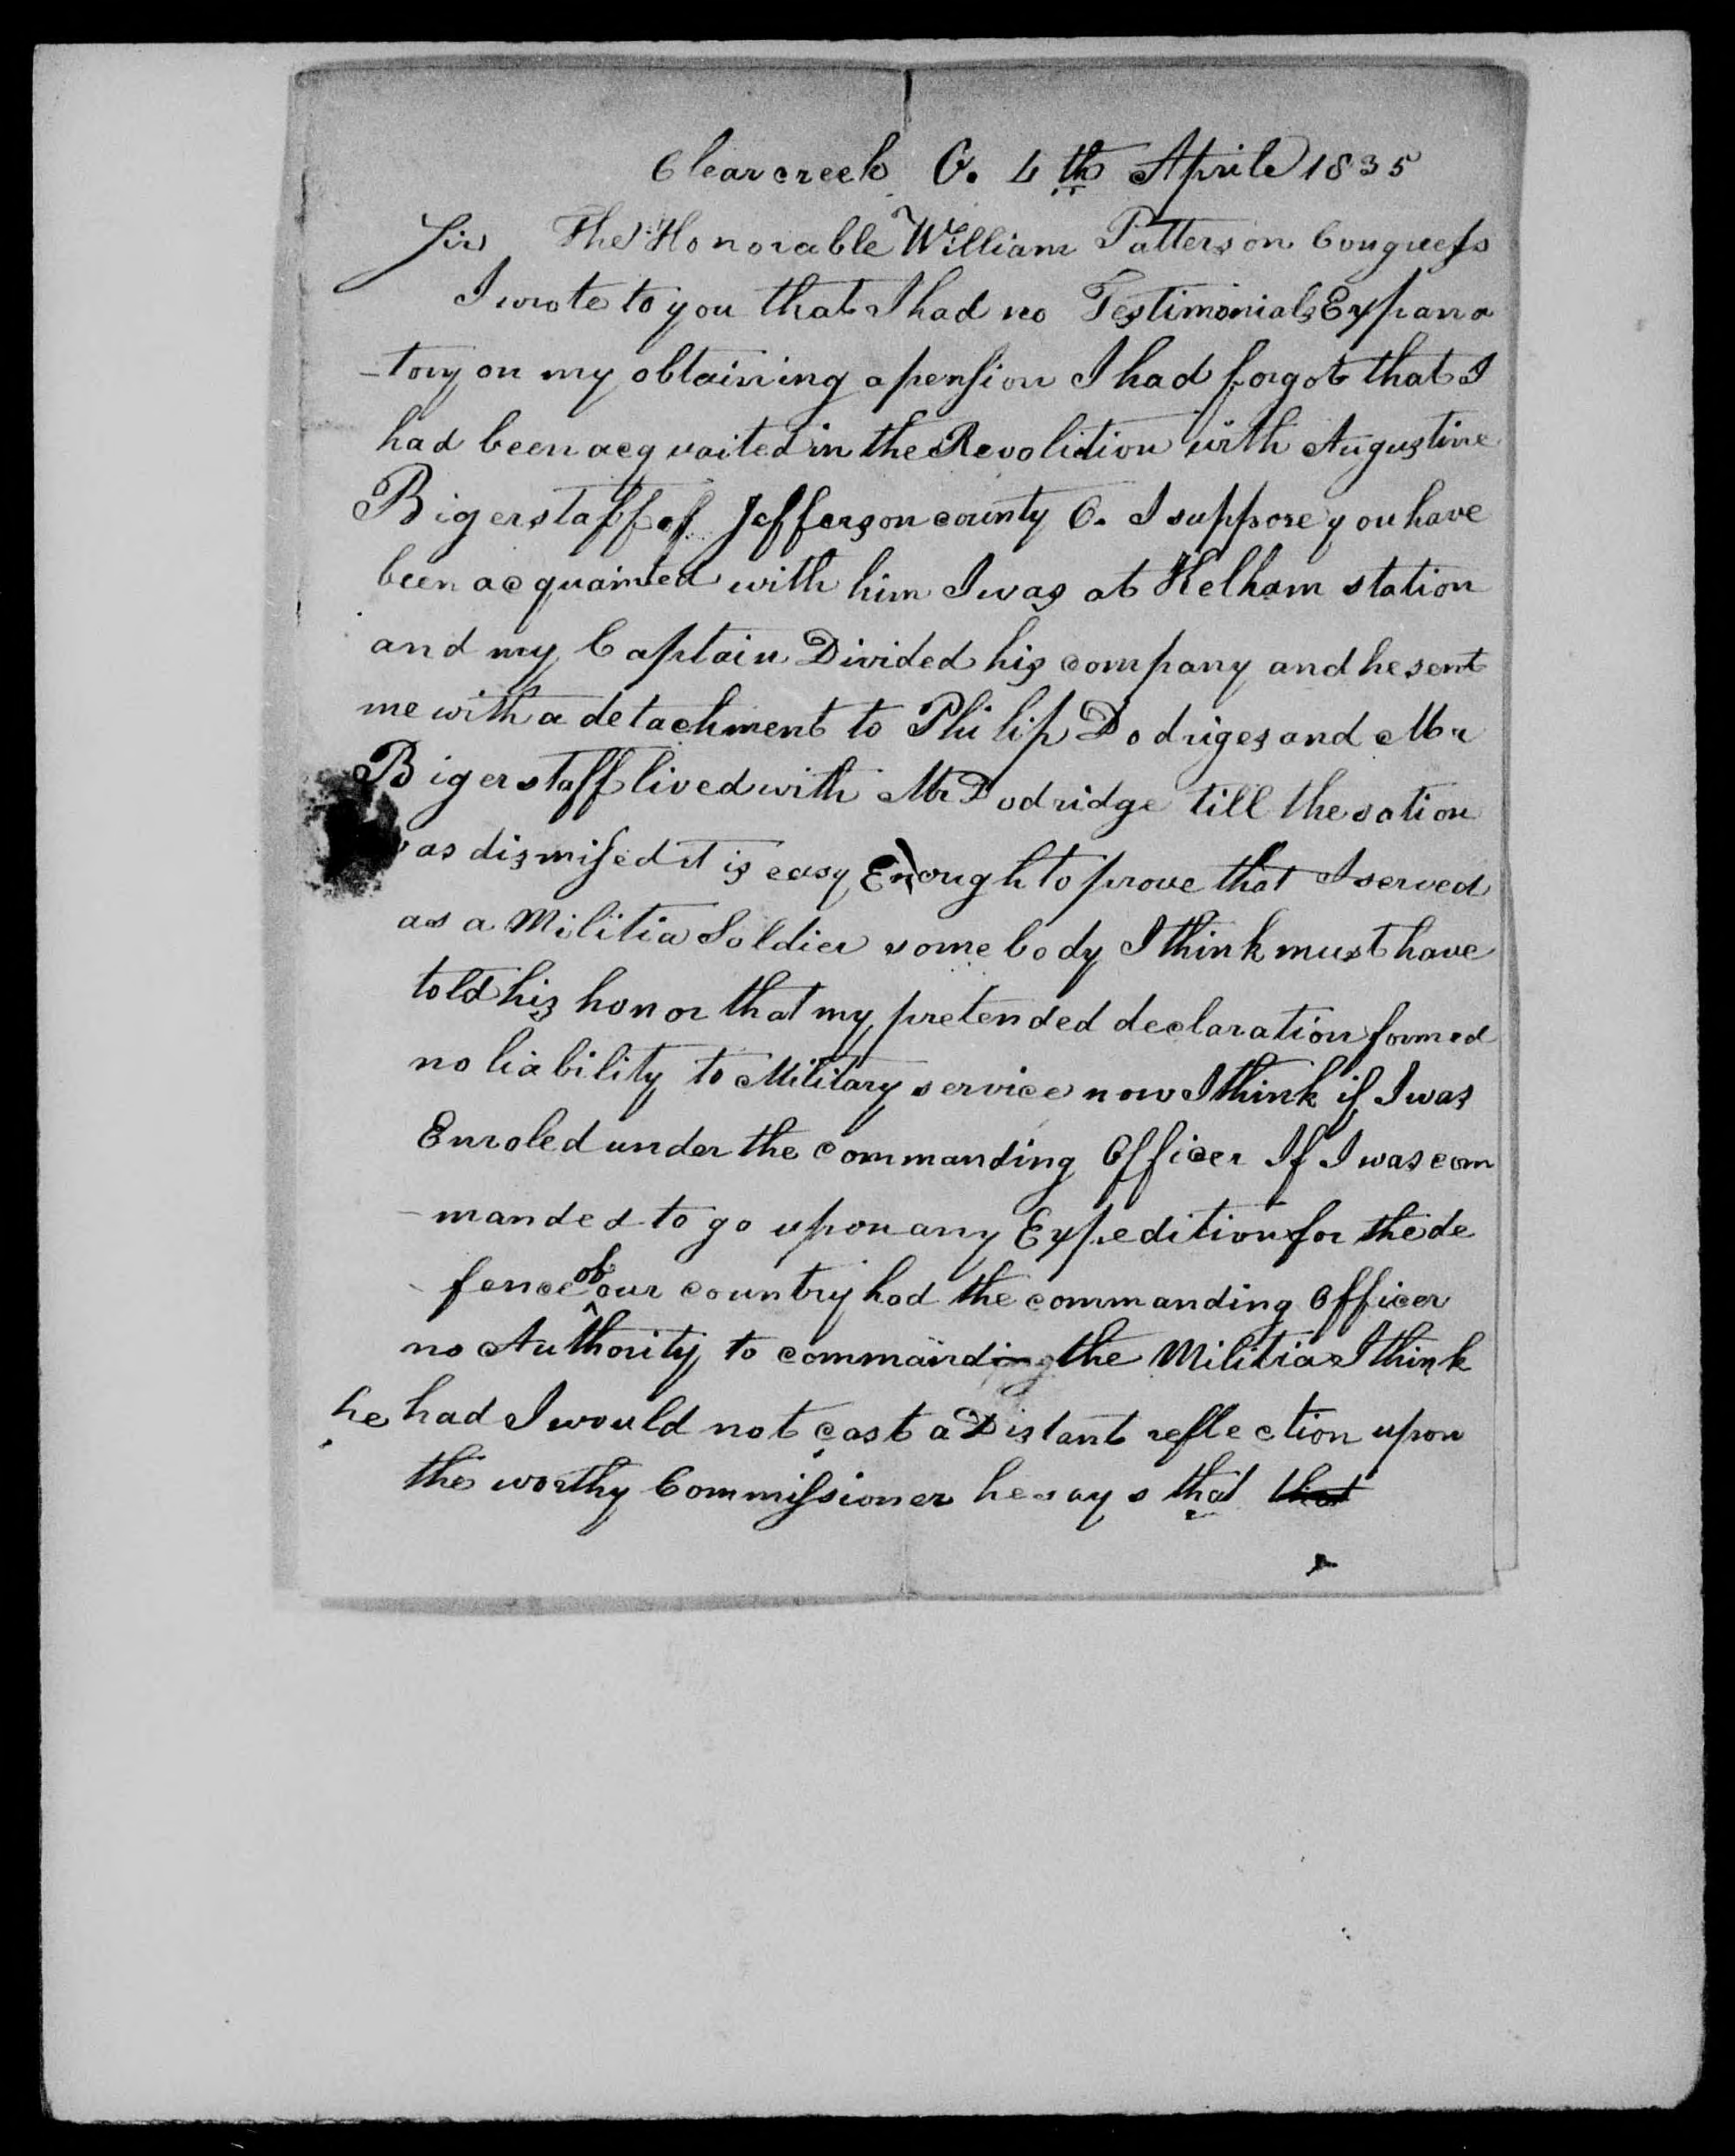Clearcreek Co 6th of April 1835

Sir, The Honorable William Patterson Congress

I wrote to you that I had no Testimonial Explanatory on my obtaining a pension I had forgot that I had been acquainted in the Revolution with Augustine Bigerstaff of Jefferson County [illegible].  I suppose you have been acquainted with him. I was at [illegible] station and my Captain Divided his company and he sent me with a detachment to Philip Dodrige and also Bigerstaff lived with Mr. Dodridge till the station was [illegible] it is easy enough to prove that I served as a Militia Soldier somebody I think must have told his honor that my pretended declaration formed no liability to Military service now I think if I was enroled [enrolled] under the commanding officer if I was commanded to go upon any expedition for the defence of our country had the commanding officer no authority to commanding the militia I think he had I would not csat a distant reflection upon the worthy commissioner he says that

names: William Patterson, Augustine Bigerstaff, Dodridge, Philip Dodriges, Bigerstaff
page: 11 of 33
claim: survivor's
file: S. 9587, William Holson, Va.